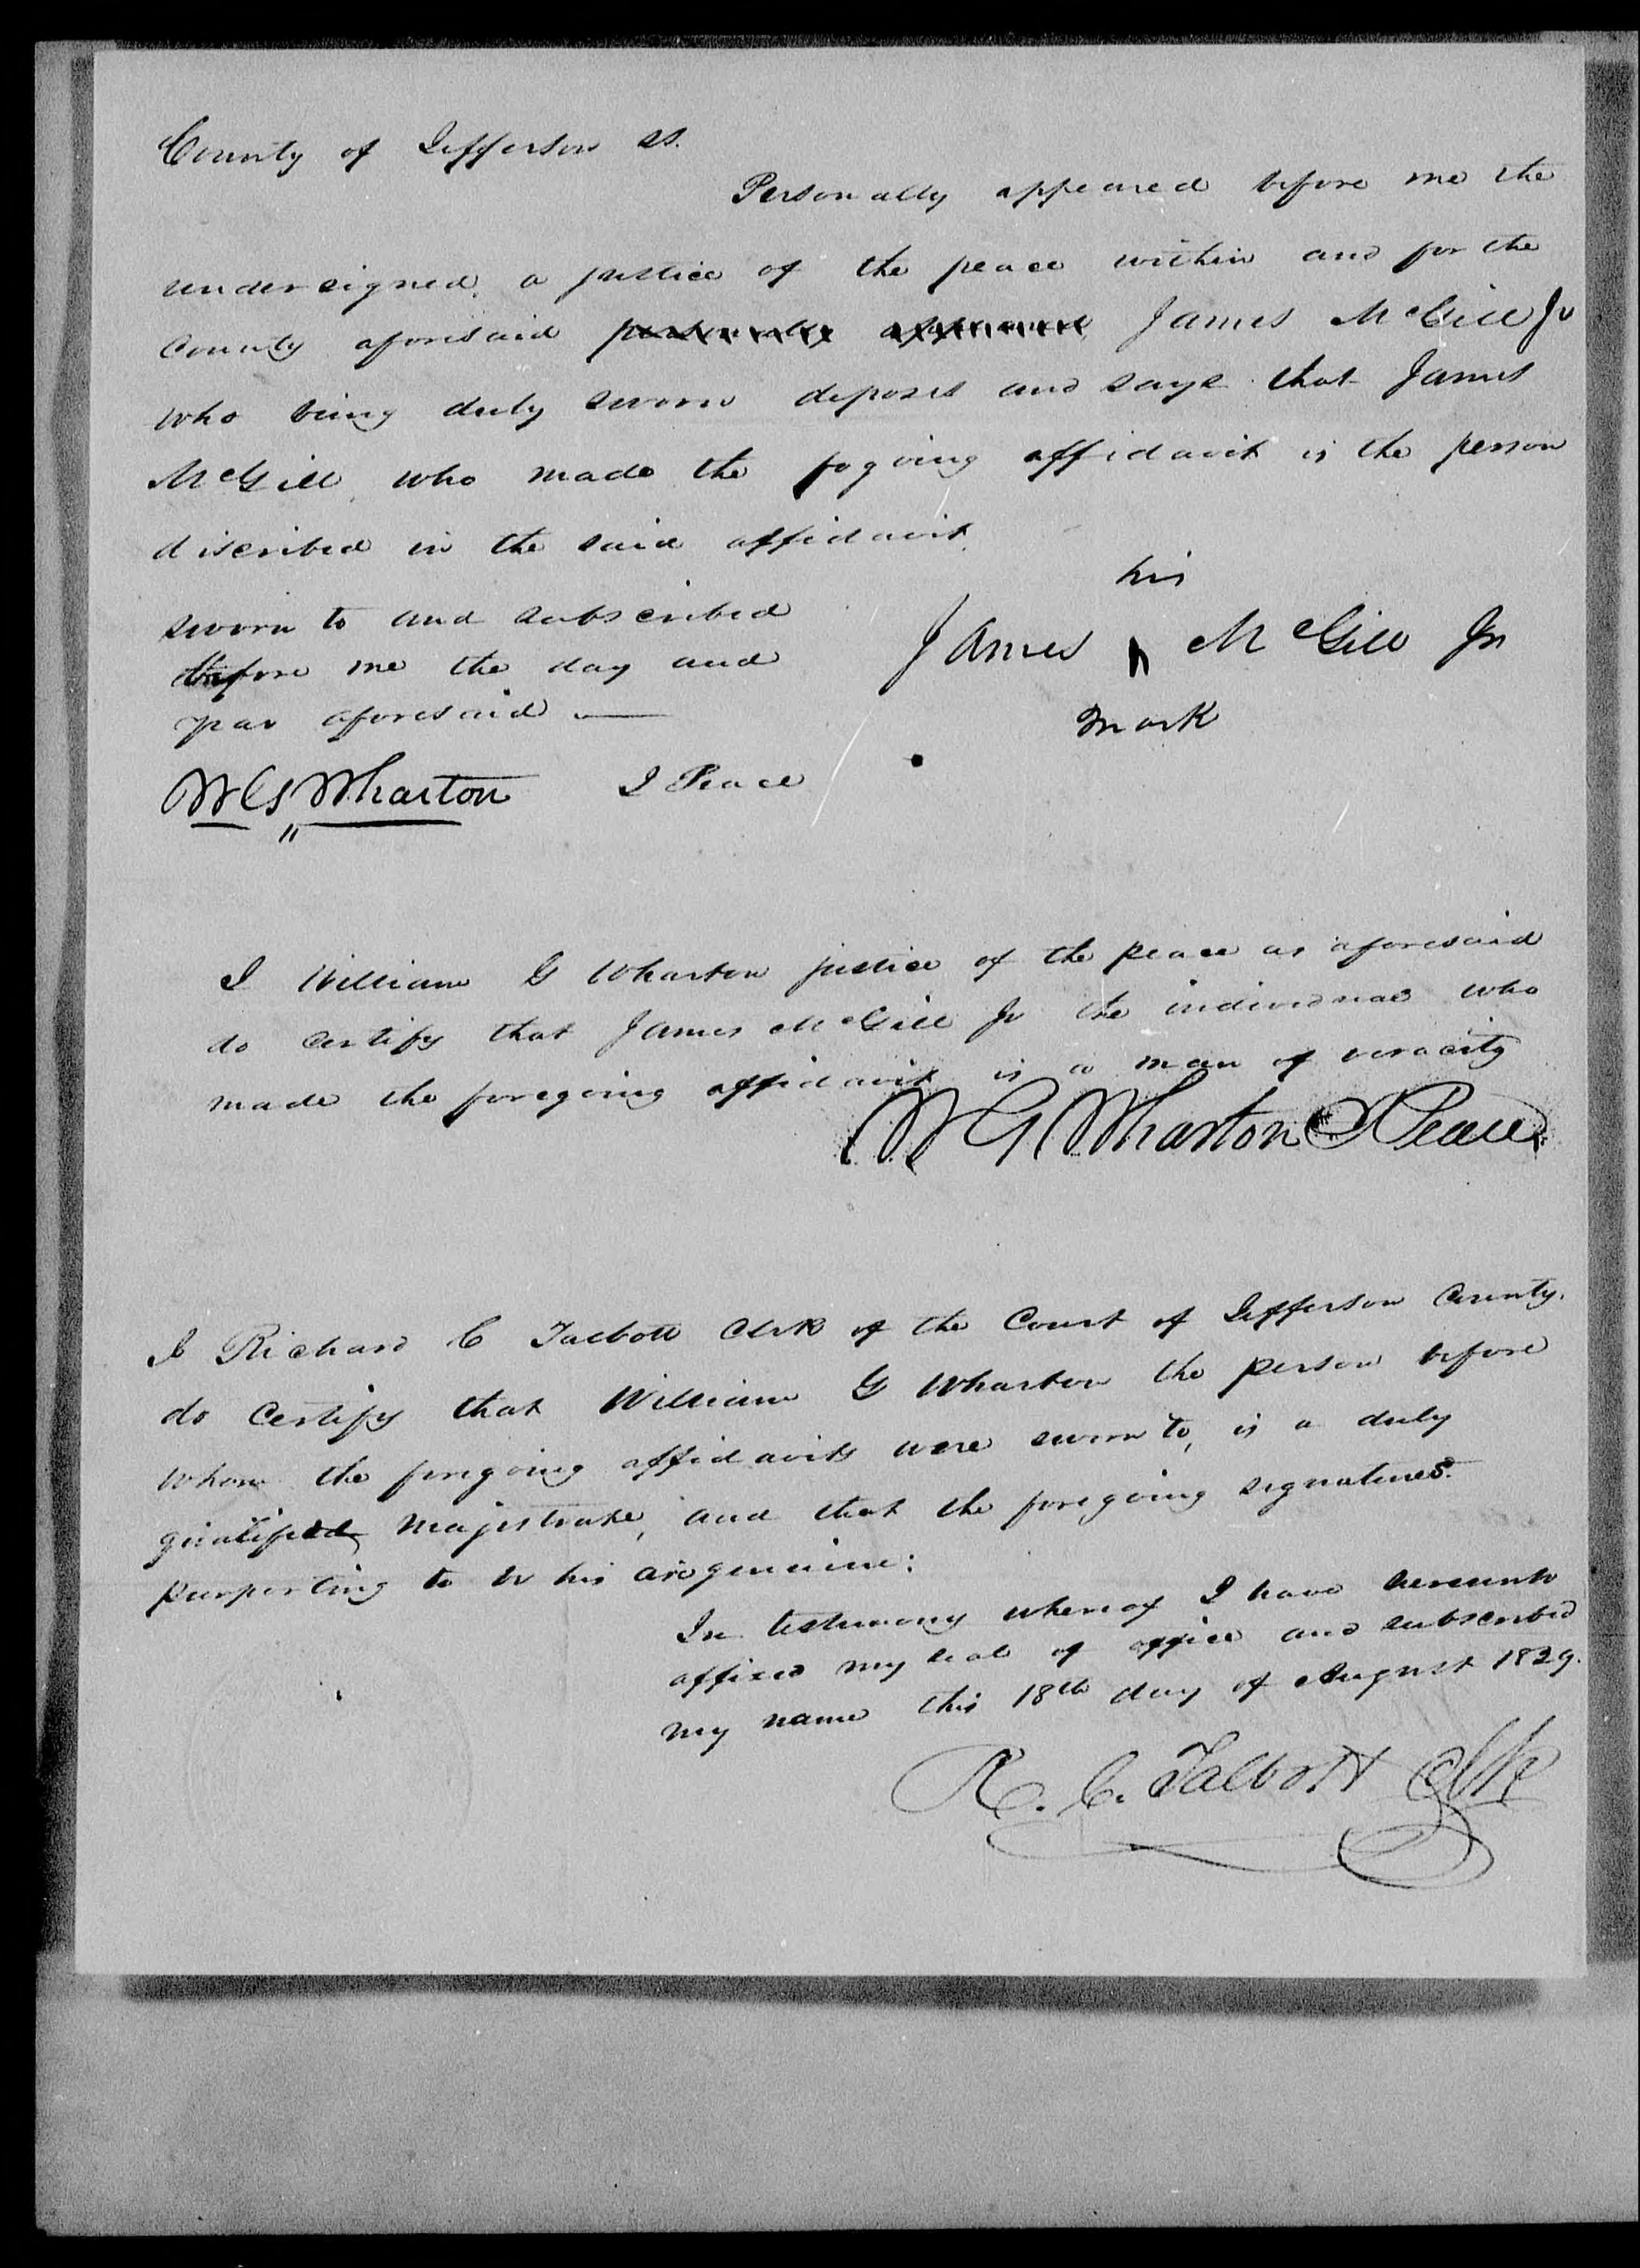Image 62    (# 4160873_00062)         
Fold3 File #23857229

County of Jefferson  ss.
Personally appeared before me the undersigned, a justice of the peace within and for the county aforesaid James McGill Jr. who being duly sworn deposed and says that James McGill who made the foregoing affidavit is the person described in the said affidavit. 

Sworn to and subscribed 
before me the day and year aforesaid---			
James McGill Jr   [his mark]
W. G. Wharton   J. Peace

I William G. Wharton justice of the peace as aforesaid do certify that James McGill Jr the individual who made the foregoing affidavit is a man of veracity.
W. G. Wharton   J Peace

I Richard C. Talbott clerk of the court of Jefferson County, do certify that William G. Wharton the person before whom the foregoing affidavits were sworn to, is a duly qualified magistrate, and that the foregoing signatures purporting to be his are genuine: In testimony whereof, I have hereunto affixed my seal of office and subscribed my name this 18th day of August 1829.
[Seal]               R. C. Talbott, clerk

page: 5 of 71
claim: widow's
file: W. 8428, for James Mc Gill, Pennsylvania